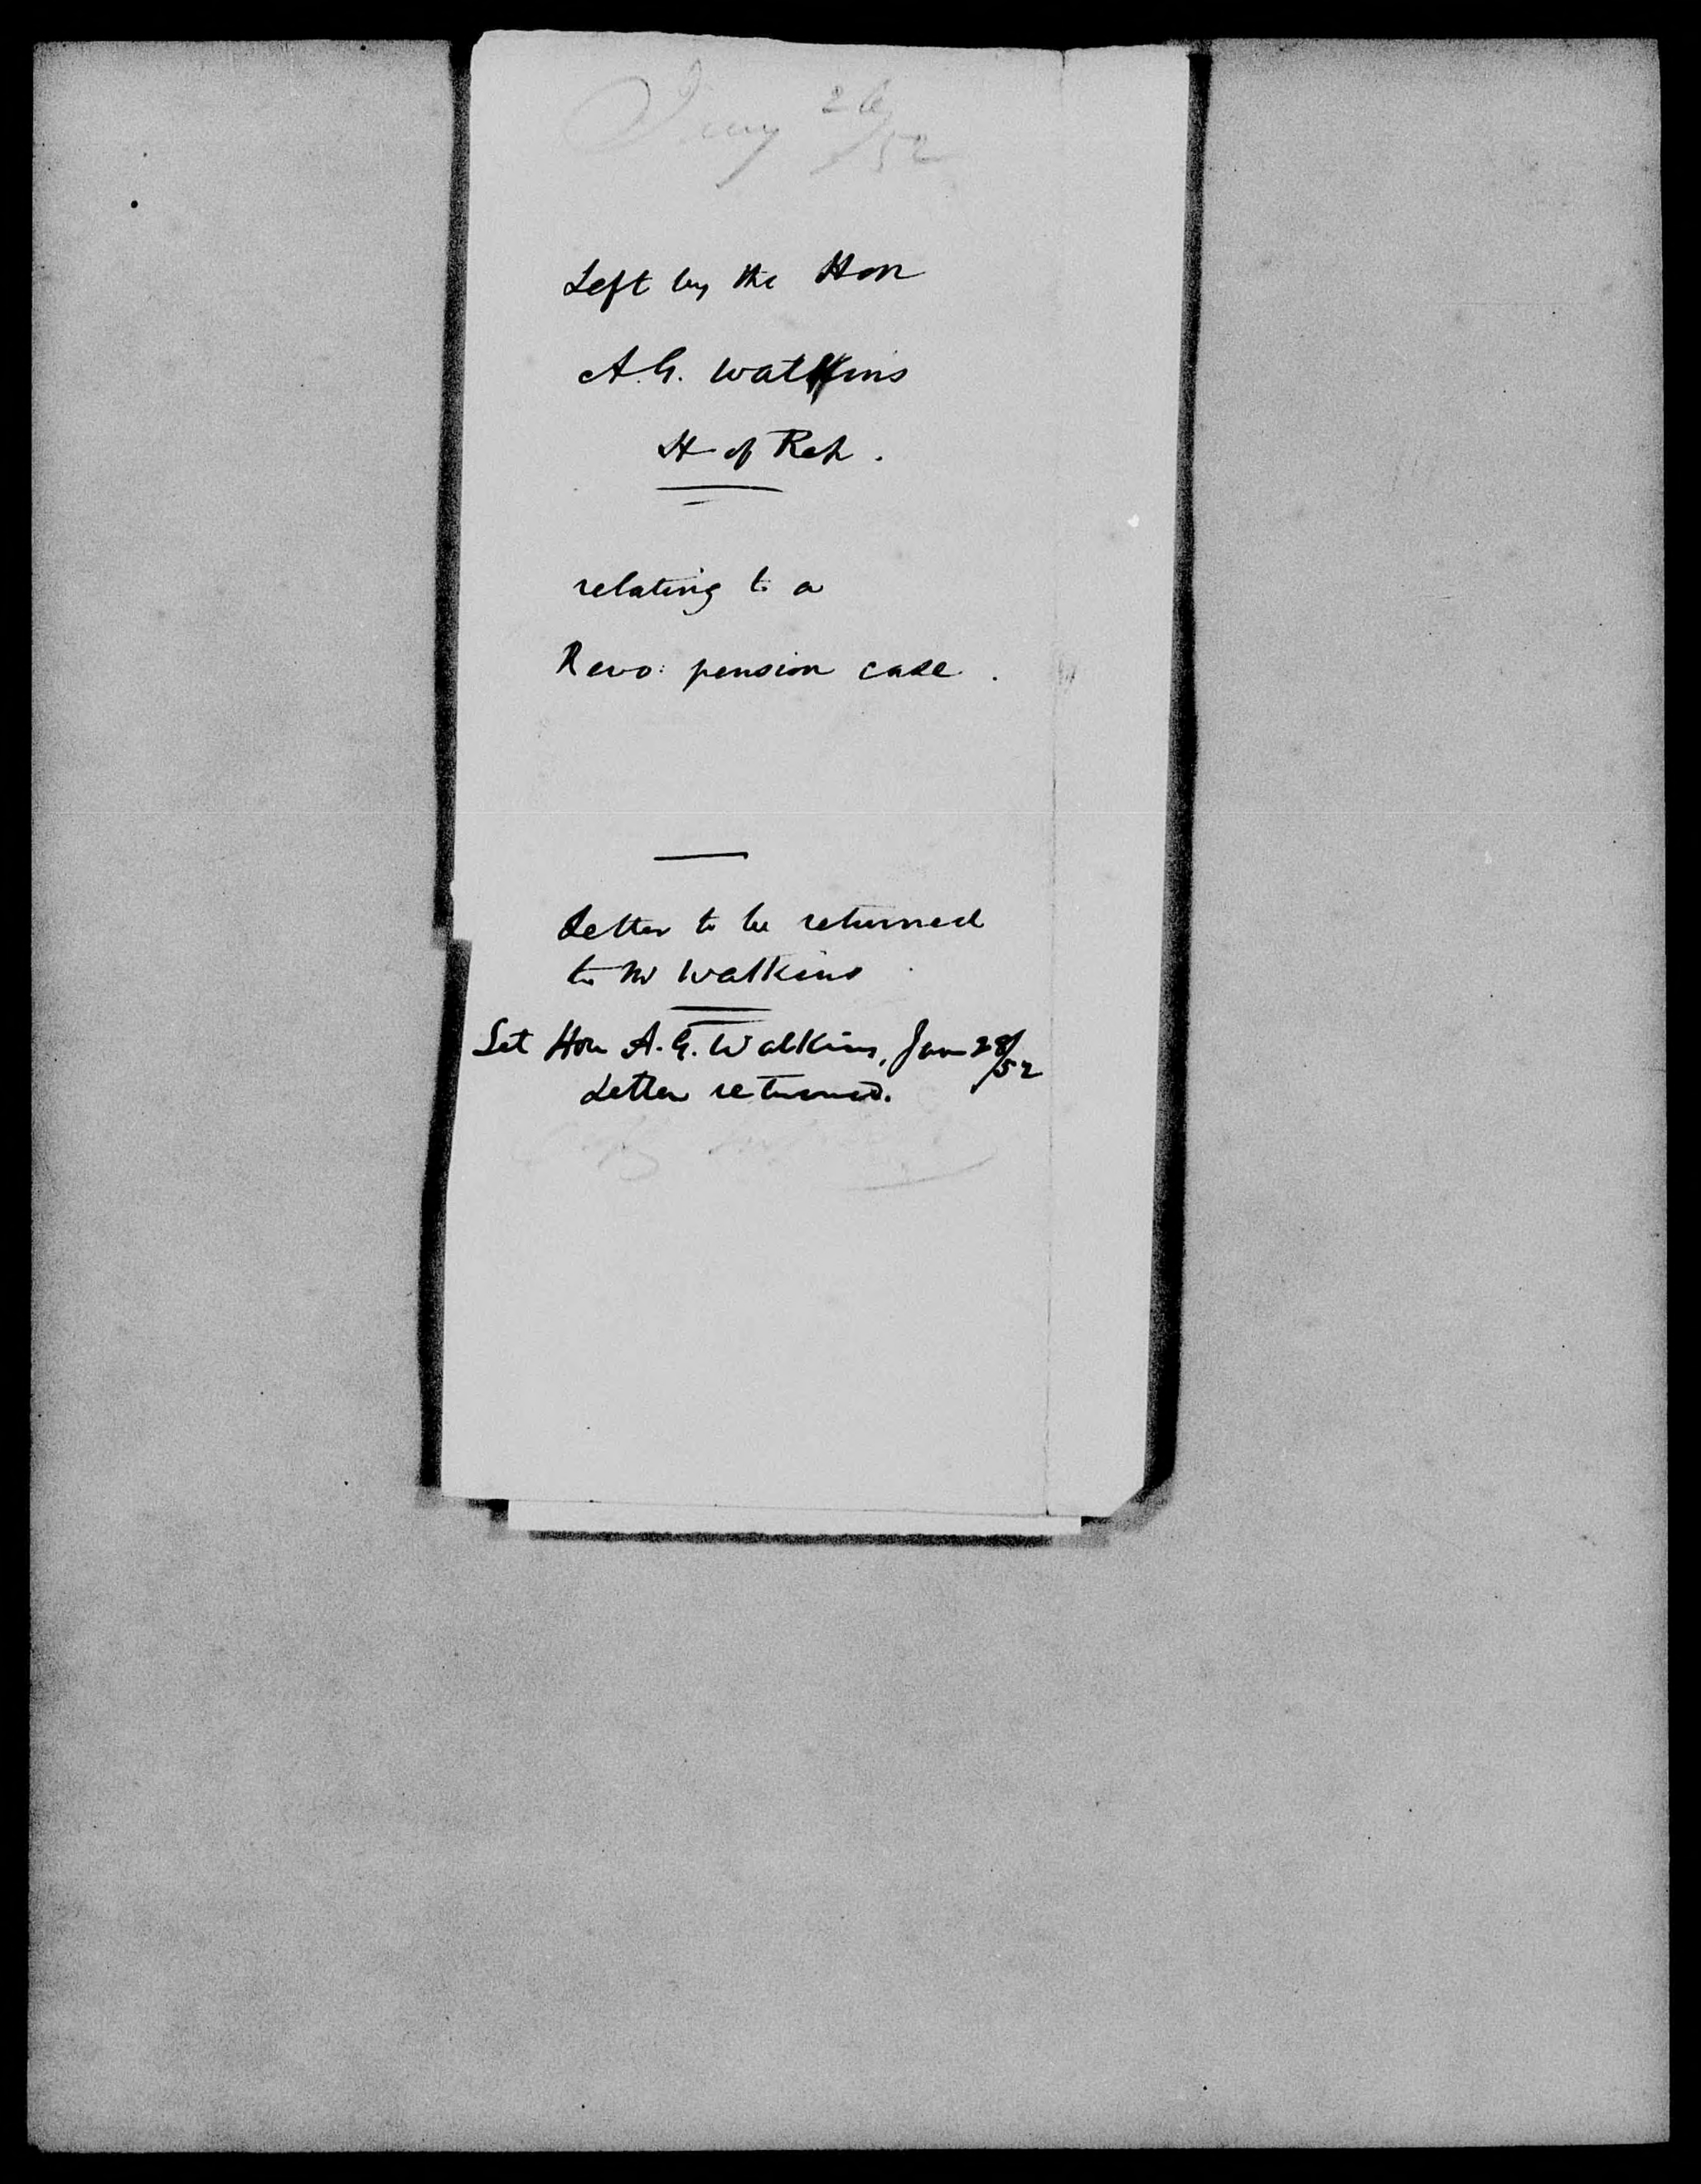Jany 26/52

Left by the Hon
A. G. Watkins
H of Rep.

relating to a
Revo pension case

Letter to be returned
to Mr Watkins
-
Let Hon A. G. Walkins, Jan 28/52
Letter returned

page: 97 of 120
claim: widow's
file: W. 1044, for Salathiel Martin, North Carolina